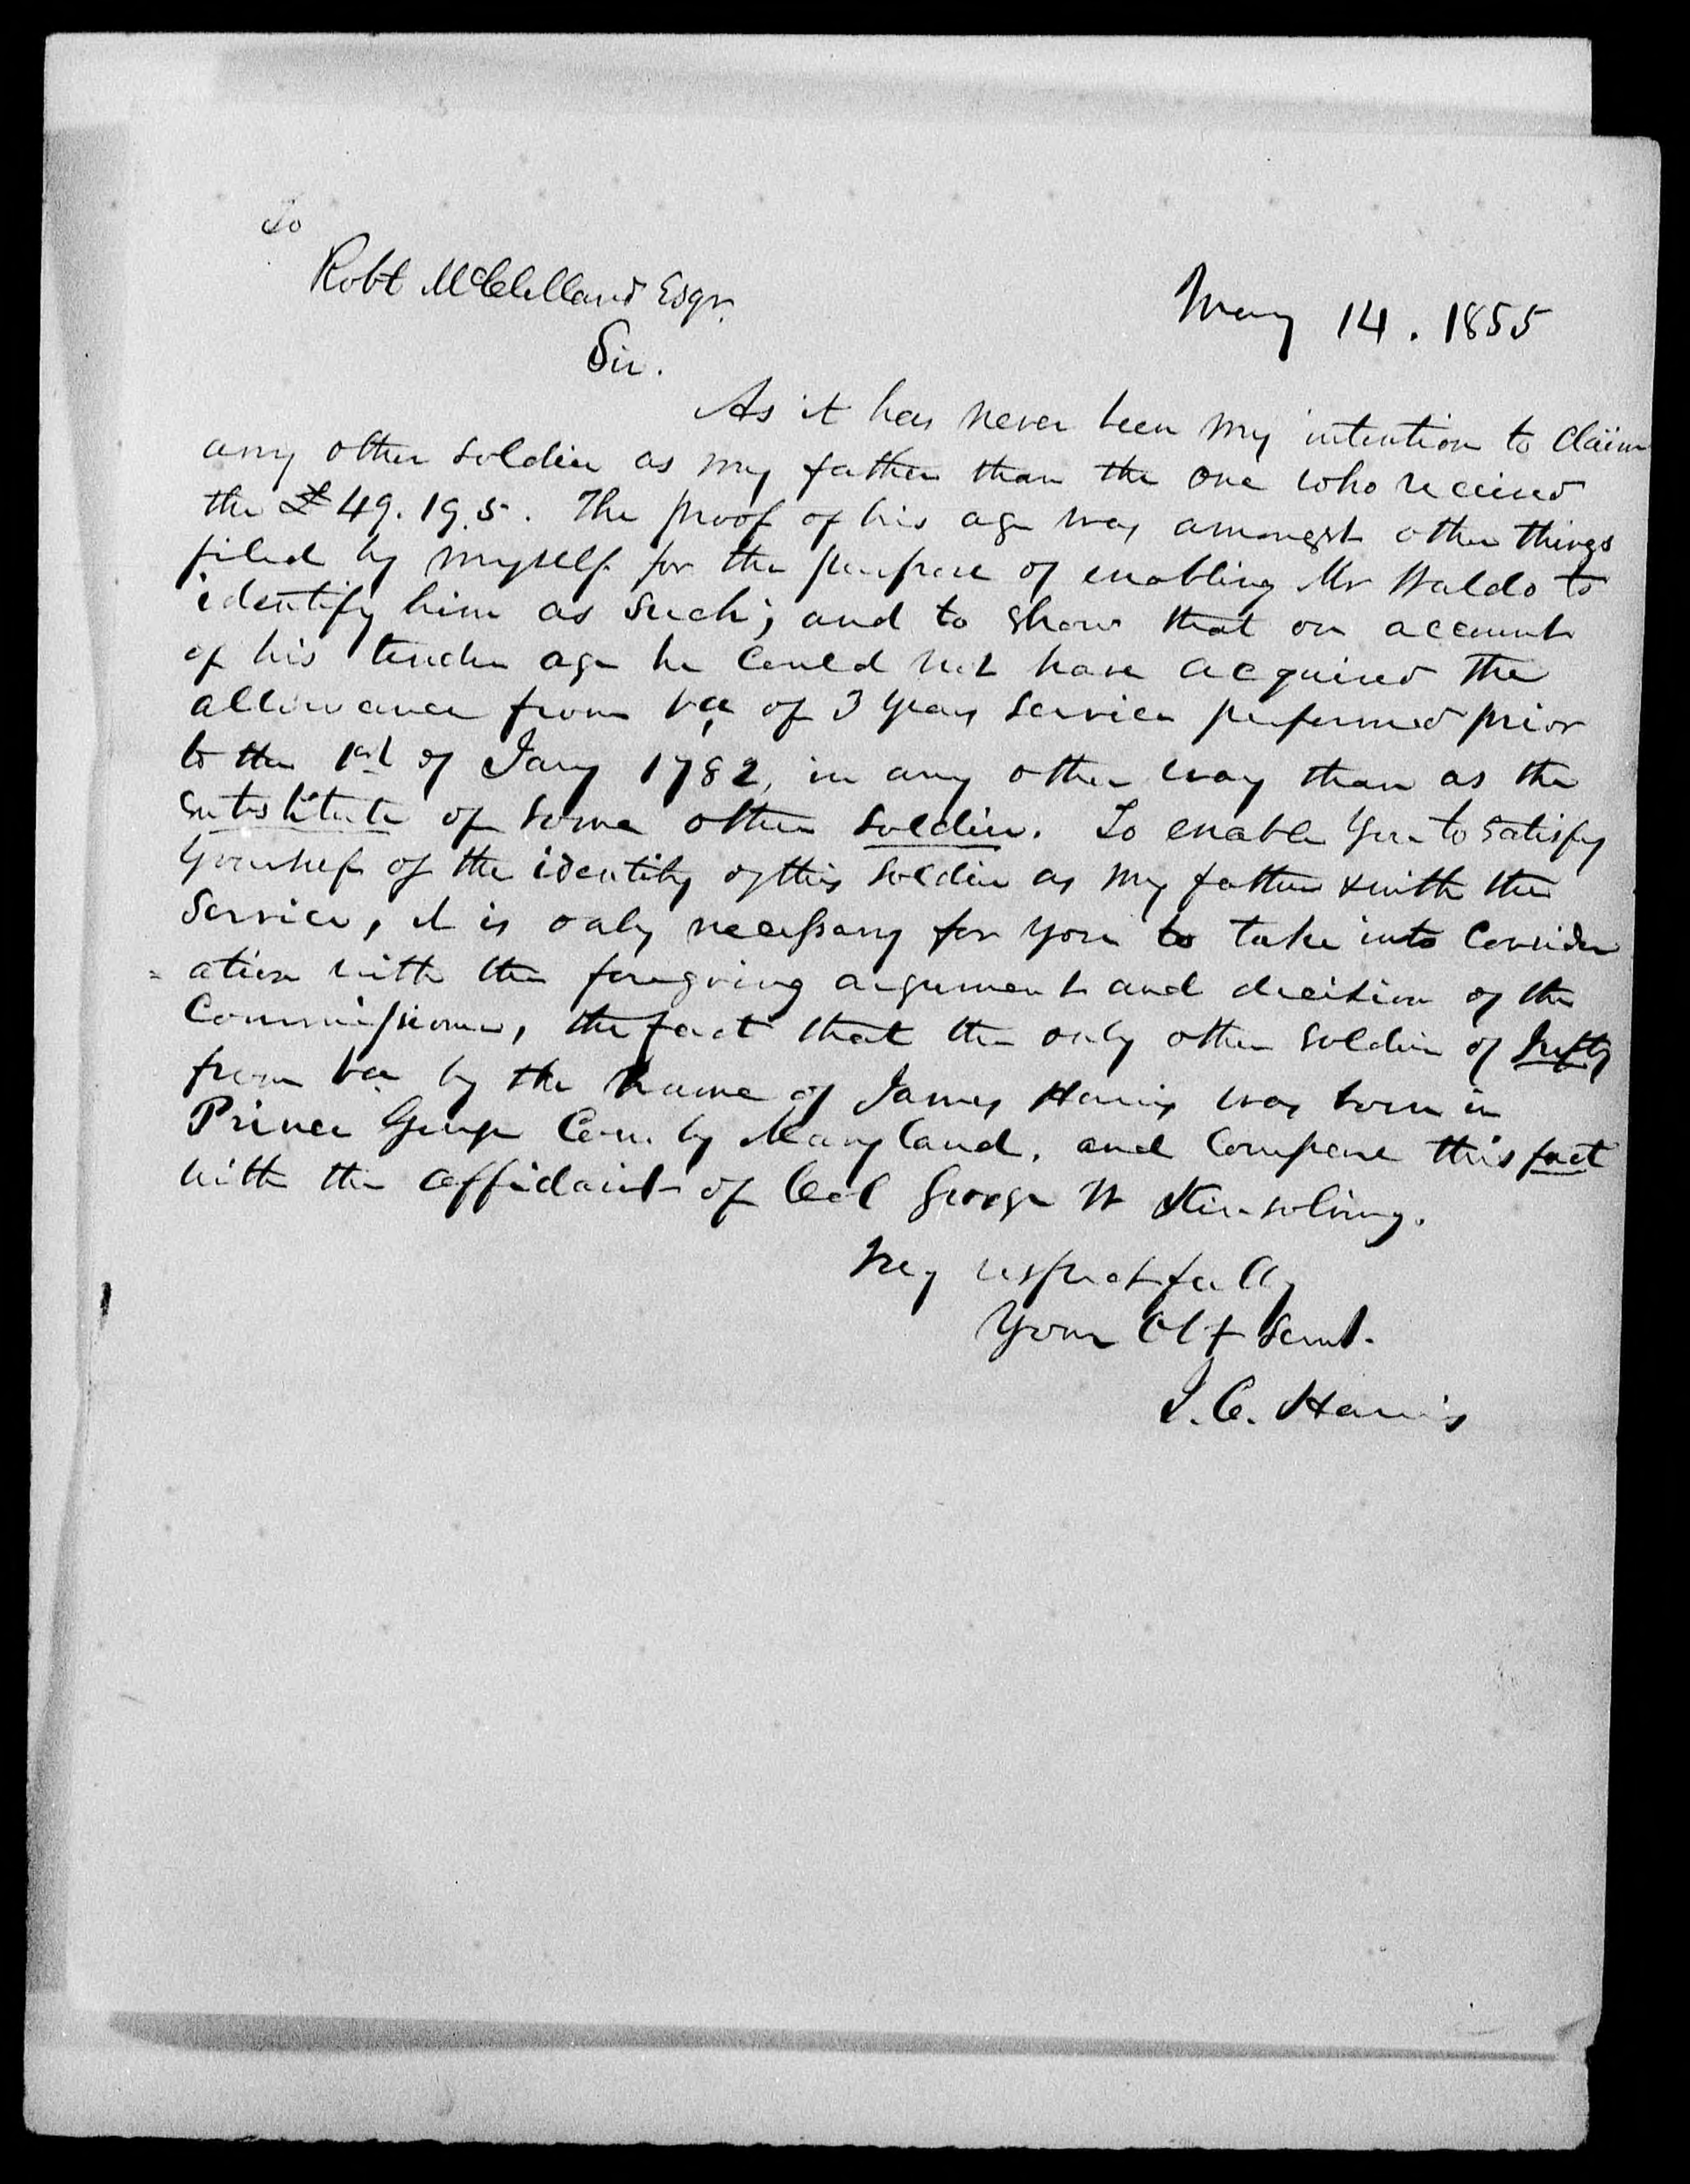May 14, 1855
To
Robt. McClelland Esqr.
Sir.
As it has never been my intention to claim any other soldier as my father than the one who received the [pound sterling]49.19.5.  The proof of his age was amongst other things filed by myself for the purpose of enabling Mr. Waldo to identify him as such, and to show that on account of his tender age he could not have acquired the allowance from Va of 3 years service performed prior to the 1st of Jany 1782, in any other way than as the substitute of some other soldier.  To enable you to satisfy yourself of the identity of this soldier as my father & with the service, it is only necessary for you to take into consideration with the foregoing argument and decision of the Commissioner, the fact that the only other soldier of Infty from Va by the name of James Harris was born in Prince George County Maryland, and compare this fact with the affidavit of Col George W. Kinsolving.
Very respectfully
Your Obt Servt
J. C. Harris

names: Waldo, J C Harris, James Harris, George W Kinsolving, Robt Mc Clelland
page: 122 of 160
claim: rejected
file: R. 4666, James Harris, Va.